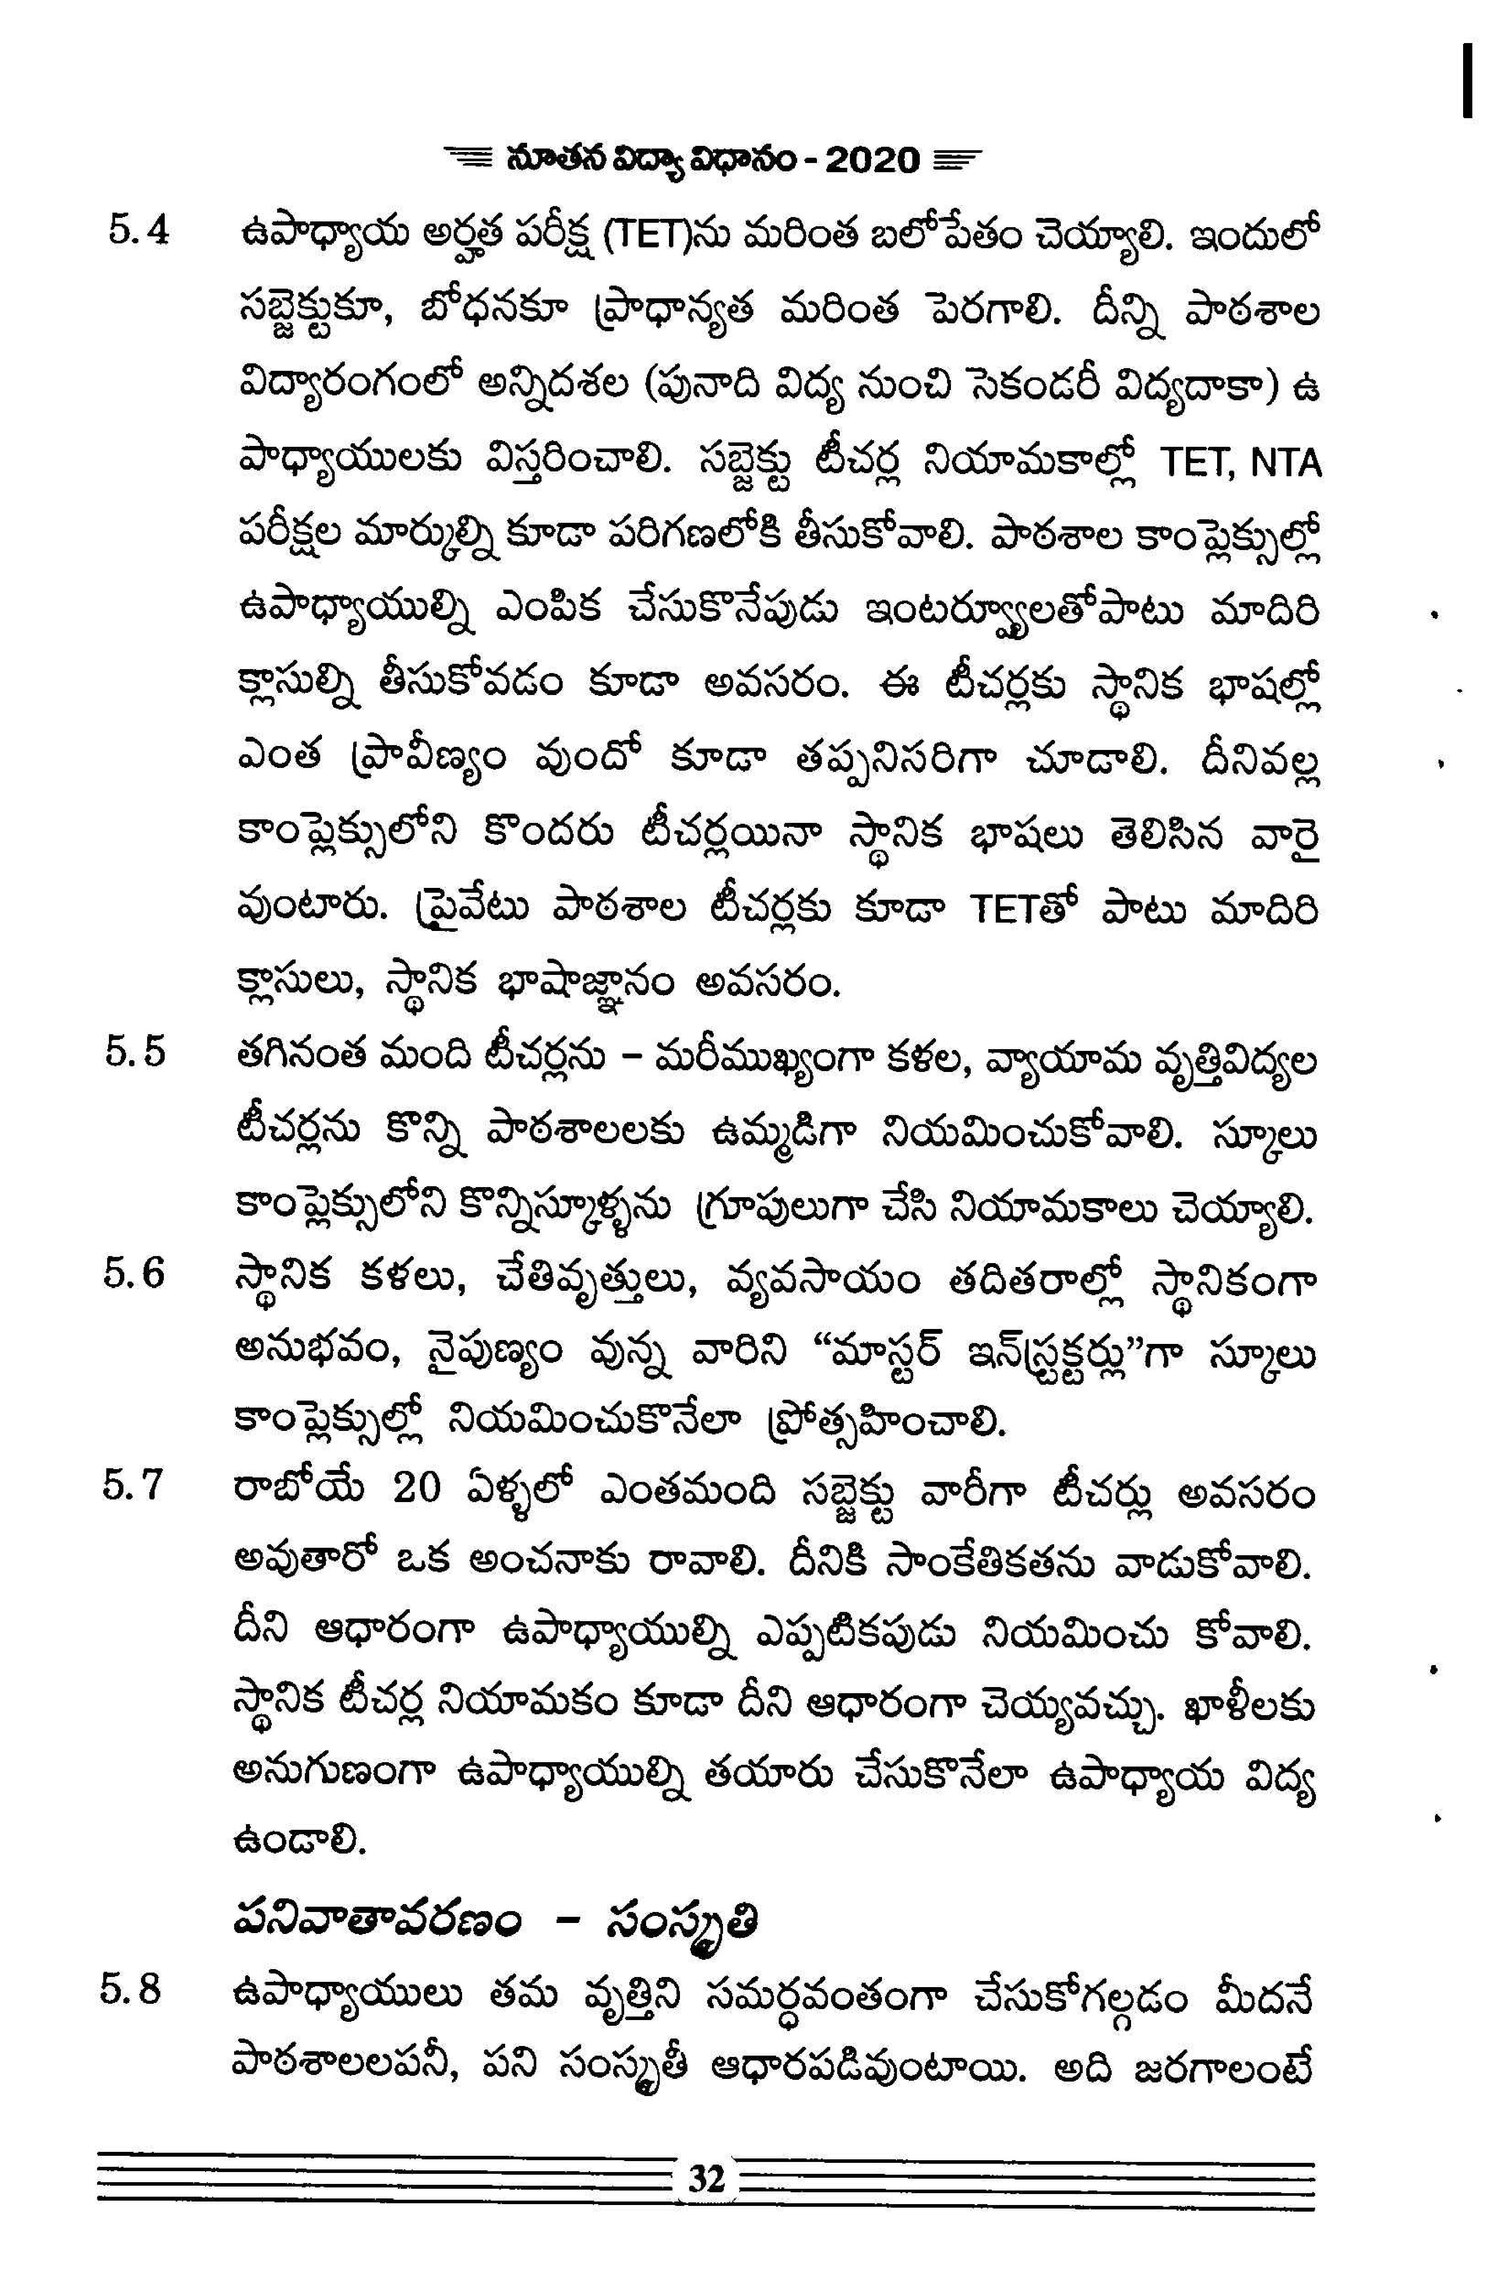5.4
ఉపాధ్యాయ అర్హత పరీక్ష (TET)ను మరింత బలోపేతం చేయాలి. ఇందులో సబ్జెక్టు జ్ఞానం మరియు బోధన పద్ధతులకు మరింత ప్రాధాన్యత ఇవ్వాలి. దీన్ని పాఠశాల విద్యారంగంలోని అన్నీ దశల (పునాది విద్య నుంచి సెకండరీ విద్య దాకా) ఉపాధ్యాయులకు విస్తరించాలి. సబ్జెక్టు టీచర్ల నియామకాల్లో TET, NTA పరీక్షల మార్కులను కూడా పరిగణలోకి తీసుకోవాలి. పాఠశాల కాంప్లెక్సుల్లో ఉపాధ్యాయుల్ని ఎంపిక చేసుకోవడంలో ఇంటర్వ్యూలతో పాటు మాదిరి క్లాసులు కూడా నిర్వహించడం అవసరం. ఈ టీచర్లకు స్థానిక భాషలలో ఎంత ప్రావీణ్యం ఉందో కూడా తప్పనిసరిగా చూడాలి. దీని వల్ల కాంప్లెక్సులోని కొంతమంది టీచర్లు స్థానిక భాషలు బాగా తెలిసినవారై ఉంటారు. ప్రైవేటు పాఠశాల టీచర్లకు కూడా TETతో పాటు మాదిరి క్లాసులు, స్థానిక భాషాజ్ఞానం అవసరం.

5.5
తగినంత మంది టీచర్లను — ముఖ్యంగా కళలు, వ్యాయామం, వృత్తివిద్యల టీచర్లను కొన్ని పాఠశాలలకు ఉమ్మడిగా నియమించుకోవాలి. పాఠశాల కాంప్లెక్సులోని కొన్ని పాఠశాలలను గ్రూపులుగా చేసి నియామకాలు చేయాలి.

5.6
స్థానిక కళలు, చేతివృత్తులు, వ్యవసాయం తదితర రంగాల్లో స్థానికంగా అనుభవం, నైపుణ్యం ఉన్న వారిని "మాస్టర్ ఇన్‌స్ట్రక్టర్లు"గా పాఠశాల కాంప్లెక్సుల్లో నియమించుకోవాలని ప్రోత్సహించాలి.

5.7 - 5.8
రాబోయే 20 ఏళ్లలో సబ్జెక్టు వారీగా ఎంతమంది టీచర్లు అవసరం అవుతారో అంచనాకు రావాలి. దీని కోసం సాంకేతికతను వాడుకోవాలి. దీనిపై ఆధారపడి ఉపాధ్యాయులను ఎప్పటికప్పుడు నియమించుకోవాలి. స్థానిక టీచర్ల నియామకాన్ని కూడా దీని ఆధారంగా నిర్వహించవచ్చు. ఖాళీలకు అనుగుణంగా ఉపాధ్యాయులను తయారుచేసే విధంగా ఉపాధ్యాయ విద్య ఉండాలి.

పనివాతావరణం - సంస్కృతి
ఉపాధ్యాయులు తమ వృత్తిని సమర్ధవంతంగా నిర్వహించగలగడం పాఠశాలల పనితీరు, పని సంస్కృతిపై ఆధారపడుతుంది. అది జరగాలంటే ...